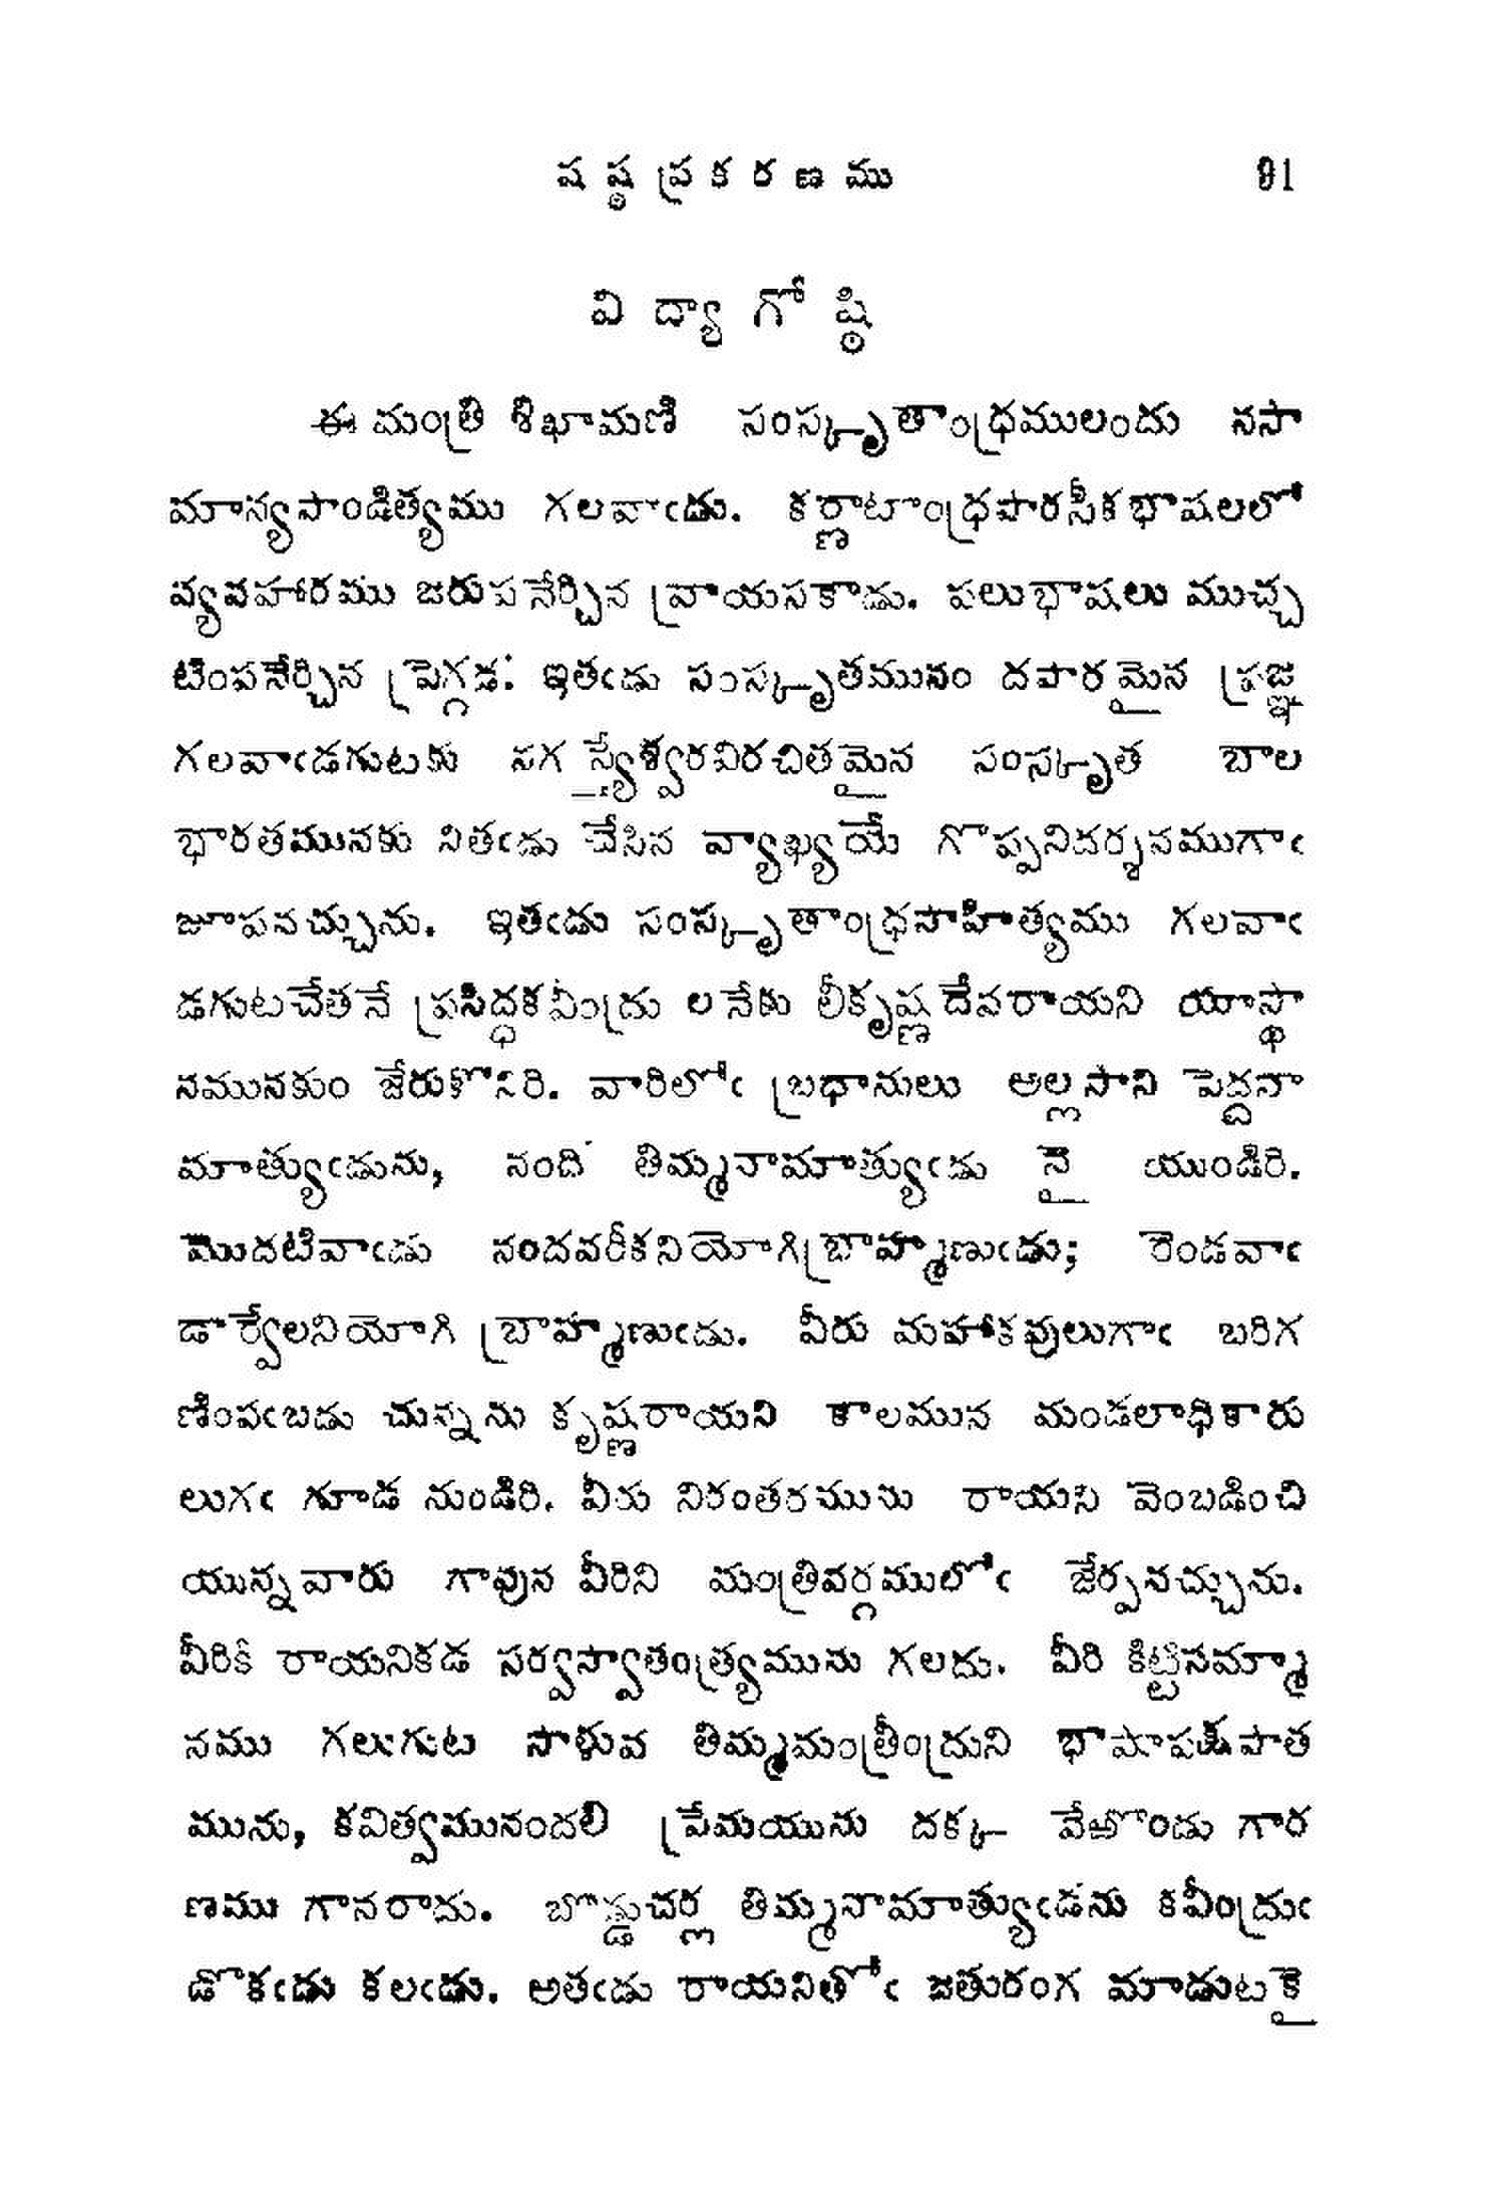విద్యా గోష్ఠి 

ఈమంత్రి శిఖామణి సంస్కృతాంధ్రములందు నసామాన్యపాండిత్యము గలవాఁడు. కర్ణాటాంధ్రపారసీకభాషలలో వ్యవహారము జరుపనేర్చిన వ్రాయసకాడు. పలుభాషలు ముచ్చటింపనేర్చిన ప్రెగ్గడ. ఇతఁడు సంస్కృతమునం దపారమైన ప్రజ్ఞ గలవాఁడగుటకు సగస్తేశ్వరవిరచితమైన సంస్కృత బాలభారతమునకు నితఁడు చేసిన వ్యాఖ్యయే గొప్పనిదర్శనముగాఁ జూపవచ్చును. ఇతఁడు సంస్కృతాంధ్రసాహిత్యము గలవాఁ డగుటచేతనే ప్రసిద్ధకవీంద్రు లనేకు లీకృష్ణదేవరాయని యాస్థానమునకుం జేరుకొనిరి. వారిలోఁ ప్రధానులు అల్లసాని పెద్దనామాత్యుఁడును, నంది తిమ్మనామాత్యుఁడు నై యుండిరి. మొదటివాఁడు నందవరీకనియోగిబ్రాహ్మణుఁడు; రెండవాఁ డార్వేలనియోగి బ్రాహ్మణుఁడు. వీరు మహాకవులుగాఁ బరిగణింపఁబడు చున్నను కృష్ణరాయని కాలమున మండలాధికారులుగఁ గూడ నుండిరి. వీరు నిరంతరముసు రాయని వెంబడించి యున్నవారు గావున వీరిని మంత్రివర్గములోఁ జేర్పవచ్చును. వీరికి రాయనికడ సర్వస్వాతంత్ర్యమును గలదు. వీరి కిట్టిసమ్మానము గలుగుట సాళువ తిమ్మమంత్రీంద్రుని భాషాపక్షపాతమును, కవిత్వమునందలి ప్రేమయును దక్క వేఱొండు గారణము గానరాదు. బొడ్డుచర్ల తిమ్మనామాత్యుఁడను కవీంద్రుఁ డొకఁడు కలఁడు. అతఁడు రాయనితోఁ జతురంగ మాడుటకై